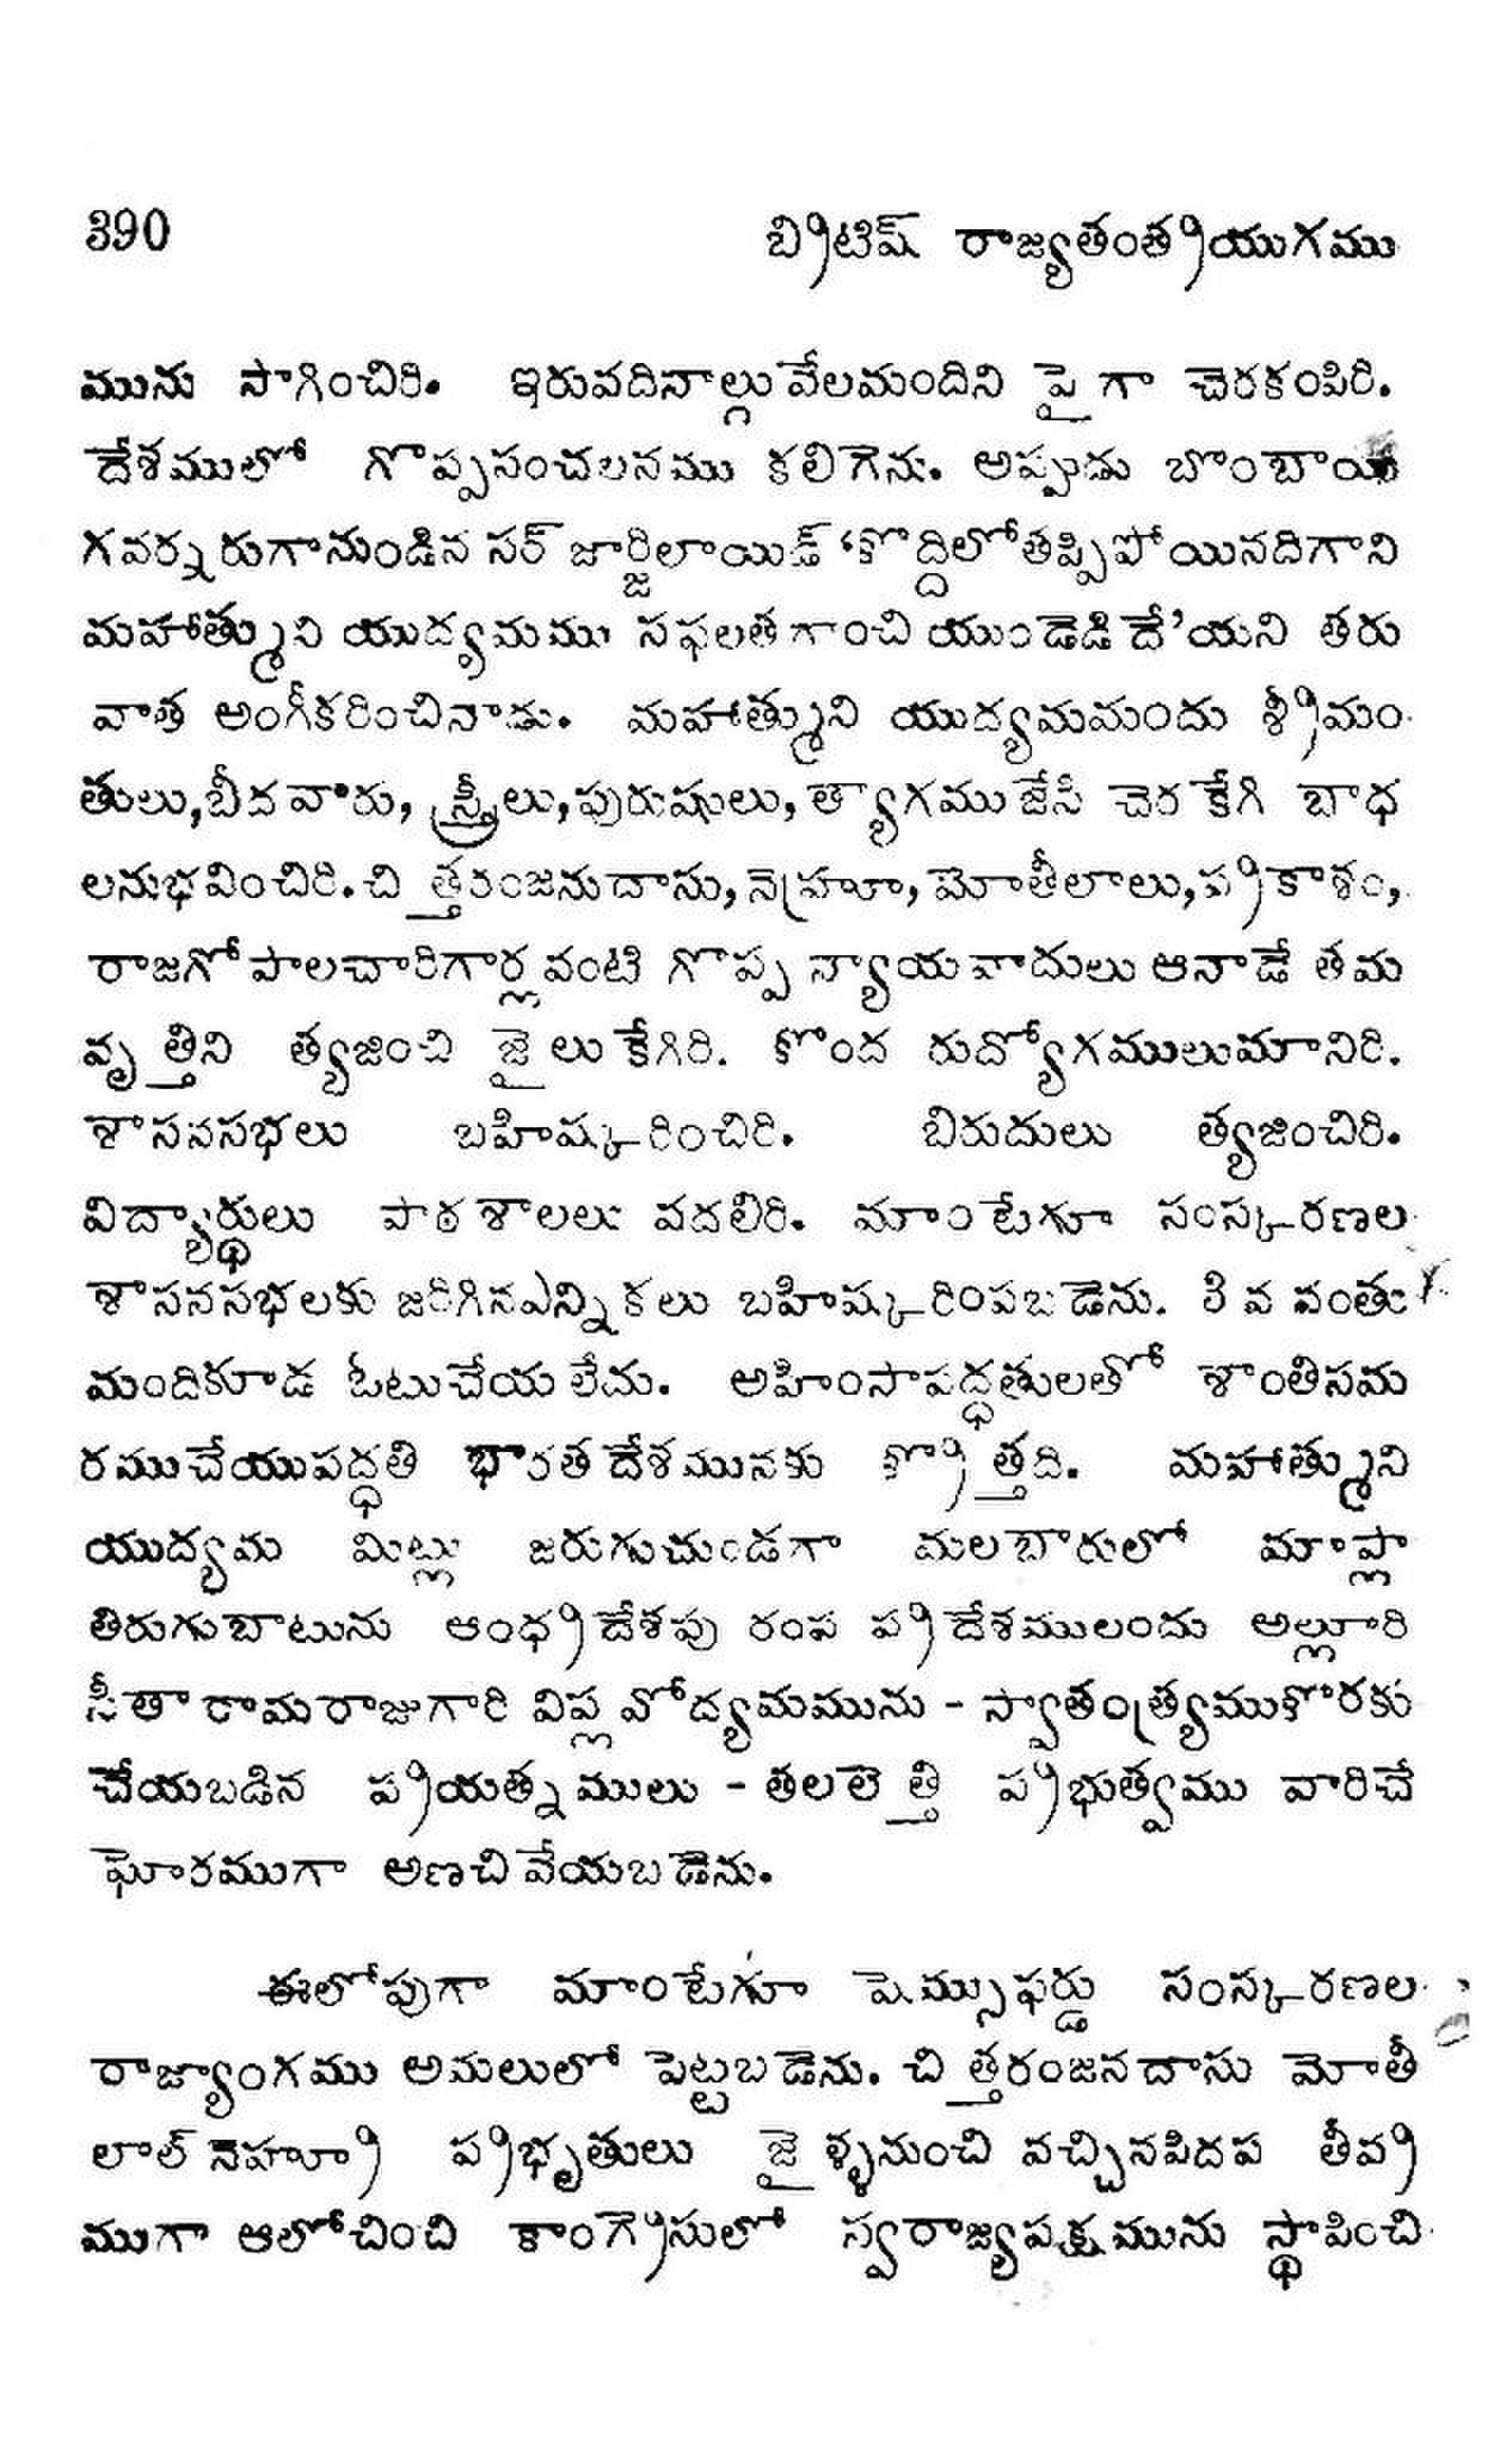మును సాగించిరి. ఇరువదినాల్గువేలమందిని పైగా చెరకంపిరి. దేశములో గొప్పసంచలనము కలిగెను. అప్పుడు బొంబాయ గవర్నరుగానుండిన సర్‌జార్జిలాయిడ్ 'కొద్దిలోతప్పిపోయినదిగాని మహాత్ముని యుద్యమము సఫలతగాంచి యుండెడిదే'యని తరువాత అంగీకరించినాడు. మహాత్ముని యుద్యమమందు శ్రీమంతులు,బీదవారు, స్త్రీలు, పురుషులు, త్యాగముజేసి చెరకేగి బాధలనుభవించిరి. చిత్తరంజనుదాసు, నెహ్రూ, మోతీలాలు, ప్రకాశం, రాజగోపాలచారిగార్లవంటి గొప్ప న్యాయవాదులు ఆనాడే తమవృత్తిని త్యజించి జైలుకేగిరి. కొంద రుద్యోగములుమానిరి. శాసనసభలు బహిష్కరించిరి. బిరుదులు త్యజించిరి. విద్యార్థులు పాఠశాలలు: వదలిరి. మాంటేగూ సంస్కరణల శాసనసభలకు జరిగినఎన్నికలు బహిష్కరింపబడెను. 3 వ వంతు మందికూడ ఓటుచేయలేదు. అహింసాపద్దతులతో శాంతిసమరముచేయుపద్ధతి భారతదేశమునకు క్రొత్తది. మహాత్ముని యుద్యమ మిట్లు జరుగుచుఁడగా మలబారులో మాప్లా తిరుగుబాటును ఆంధ్రదేశపు రంప ప్రదేశములందు అల్లూరి సీతారామరాజుగారి విప్లవోద్యమమును - స్వాతంత్ర్యముకొరకు చేయబడిన ప్రయత్నములు - తలలెత్తి ప్రభుత్వము వారిచే ఘోరముగా అణచి వేయబడెను.

ఈలోపుగా మాంటేగూ షెమ్సుఫర్డు సంస్కరణల రాజ్యాంగము అమలులో పెట్టబడెను. చిత్తరంజనదాసు మోతీలాల్‌నెహ్రూ ప్రభృతులు జైళ్ళనుంచి వచ్చినపిదప తీవ్రముగా ఆలోచించి కాంగ్రెసులో స్వరాజ్యపక్షమును స్థాపించి